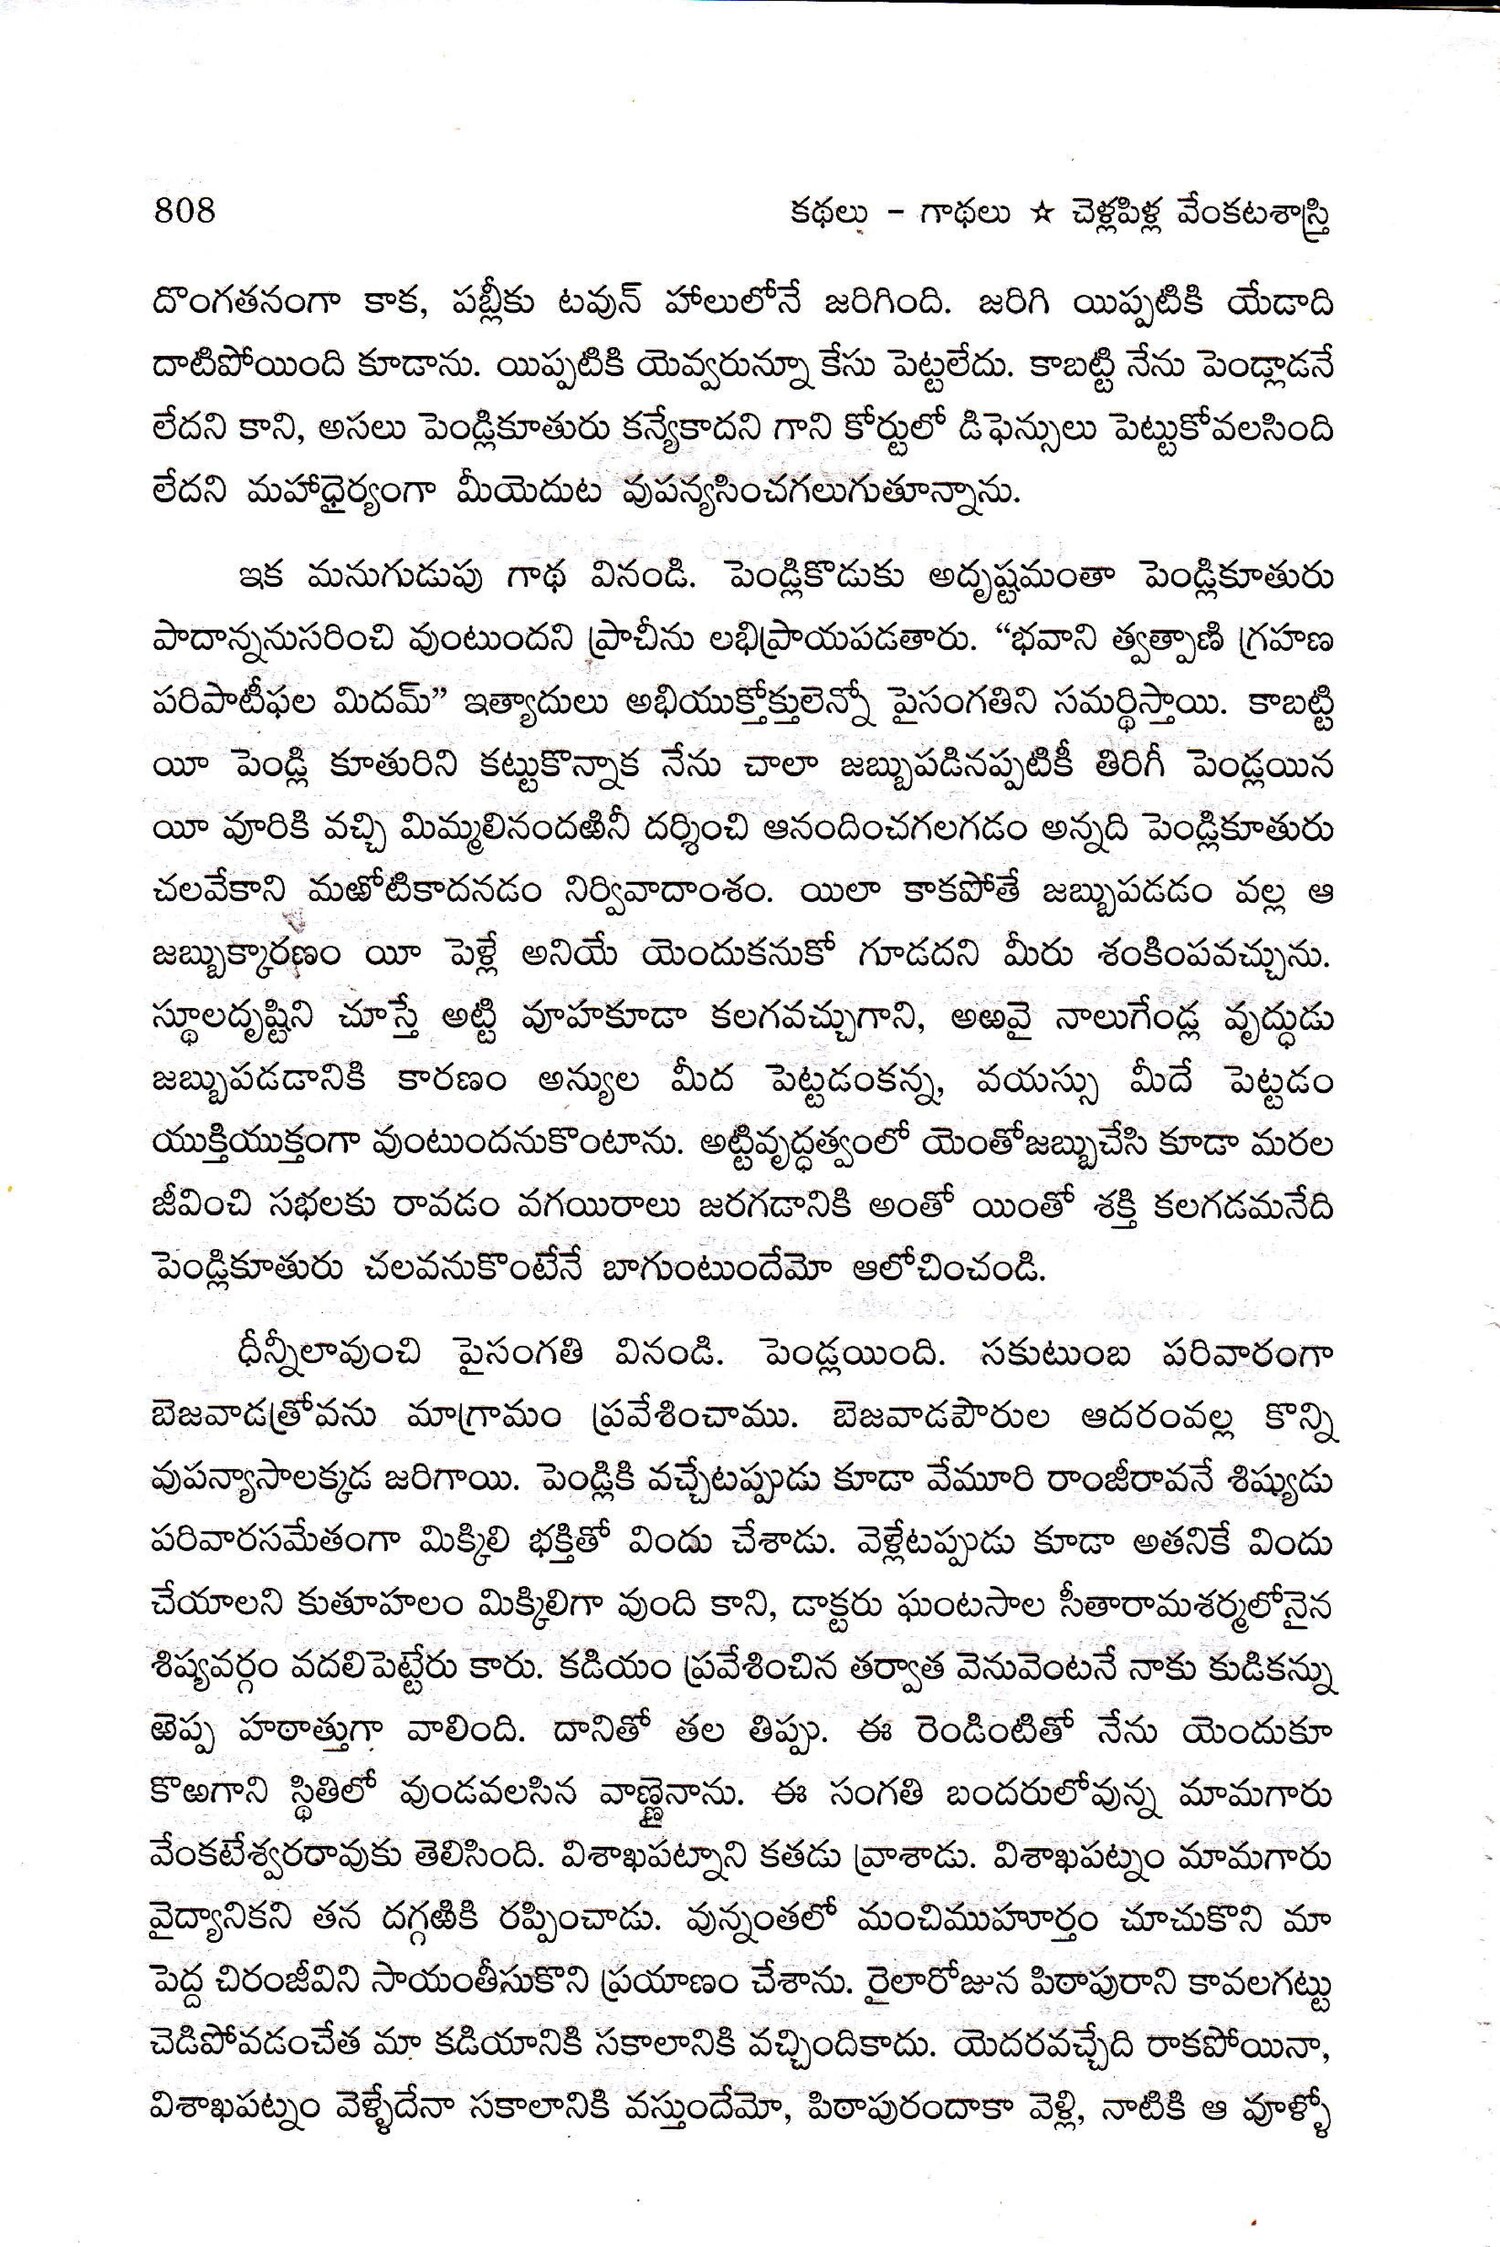దొంగతనంగా కాక, పబ్లీకు టవున్ హాలులోనే జరిగింది. జరిగి యిప్పటికి యేడాది దాటిపోయింది కూడాను. యిప్పటికి యెవ్వరున్నూ కేసు పెట్టలేదు. కాబట్టి నేను పెండ్లాడనే లేదని కాని, అసలు పెండ్లికూతురు కన్యేకాదని గాని కోర్టులో డిఫెన్సులు పెట్టుకోవలసింది లేదని మహాదైర్యంగా మీయెదుట వుపన్యసించగలుగుతూన్నాను.

ఇక మనుగుడుపు గాథ వినండి. పెండ్లికొడుకు అదృష్టమంతా పెండ్లికూతురు పాదాన్ననుసరించి వుంటుందని ప్రాచీను లభిప్రాయపడతారు. “భవాని త్వత్పాణి గ్రహణ పరిపాటీఫల మిదమ్" ఇత్యాదులు అభియుక్తోక్తులెన్నో పైసంగతిని సమర్థిస్తాయి. కాబట్టి యీ పెండ్లి కూతురిని కట్టుకొన్నాక నేను చాలా జబ్బుపడినప్పటికీ తిరిగీ పెండ్లయిన యీ వూరికి వచ్చి మిమ్మలినందఱినీ దర్శించి ఆనందించగలగడం అన్నది పెండ్లికూతురు చలవేకాని మఱోటికాదనడం నిర్వివాదాంశం. యిలా కాకపోతే జబ్బుపడడం వల్ల ఆ జబ్బుక్కారణం యీ పెళ్లే అనియే యెందుకనుకో గూడదని మీరు శంకింపవచ్చును. స్థూలదృష్టిని చూస్తే అట్టి వూహకూడా కలగవచ్చుగాని, అఱవై నాలుగేండ్ల వృద్ధుడు జబ్బుపడడానికి కారణం అన్యుల మీద పెట్టడంకన్న వయస్సు మీదే పెట్టడం యుక్తియుక్తంగా వుంటుందనుకొంటాను. అట్టివృద్ధత్వంలో యెంతోజబ్బుచేసి కూడా మరల జీవించి సభలకు రావడం వగయిరాలు జరగడానికి అంతో యింతో శక్తి కలగడమనేది పెండ్లికూతురు చలవనుకొంటేనే బాగుంటుందేమో ఆలోచించండి.

దీన్నీలావుంచి పైసంగతి వినండి. పెండ్లయింది. సకుటుంబ పరివారంగా బెజవాడత్రోవను మాగ్రామం ప్రవేశించాము. బెజవాడపౌరుల ఆదరంవల్ల కొన్ని వుపన్యాసాలక్కడ జరిగాయి. పెండ్లికి వచ్చేటప్పుడు కూడా వేమూరి రాంజీరావనే శిష్యుడు పరివారసమేతంగా మిక్కిలి భక్తితో విందు చేశాడు. వెళ్లేటప్పుడు కూడా అతనికే విందు చేయాలని కుతూహలం మిక్కిలిగా వుంది కాని, డాక్టరు ఘంటసాల సీతారామశర్మలోనైన శిష్యవర్గం వదలిపెట్టేరు కారు. కడియం ప్రవేశించిన తర్వాత వెనువెంటనే నాకు కుడికన్ను ఱెప్ప హఠాత్తుగా వాలింది. దానితో తల తిప్పు, ఈ రెండింటితో నేను యెందుకూ కొఱగాని స్థితిలో వుండవలసిన వాణ్ణైనాను. ఈ సంగతి బందరులోవున్న మామగారు వేంకటేశ్వరరావుకు తెలిసింది. విశాఖపట్నాని కతడు వ్రాశాడు. విశాఖపట్నం మామగారు వైద్యానికని తన దగ్గఱికి రప్పించాడు. వున్నంతలో మంచిముహూర్తం చూచుకొని మా పెద్ద చిరంజీవిని సాయంతీసుకొని ప్రయాణం చేశాను. రైలారోజున పిఠాపురాని కావలగట్టు చెడిపోవడంచేత మా కడియానికి సకాలానికి వచ్చిందికాదు. యెదరవచ్చేది రాకపోయినా, విశాఖపట్నం వెళ్ళేదేనా సకాలానికి వస్తుందేమో, పిఠాపురందాకా వెళ్లి, నాటికి ఆ వూళ్ళో